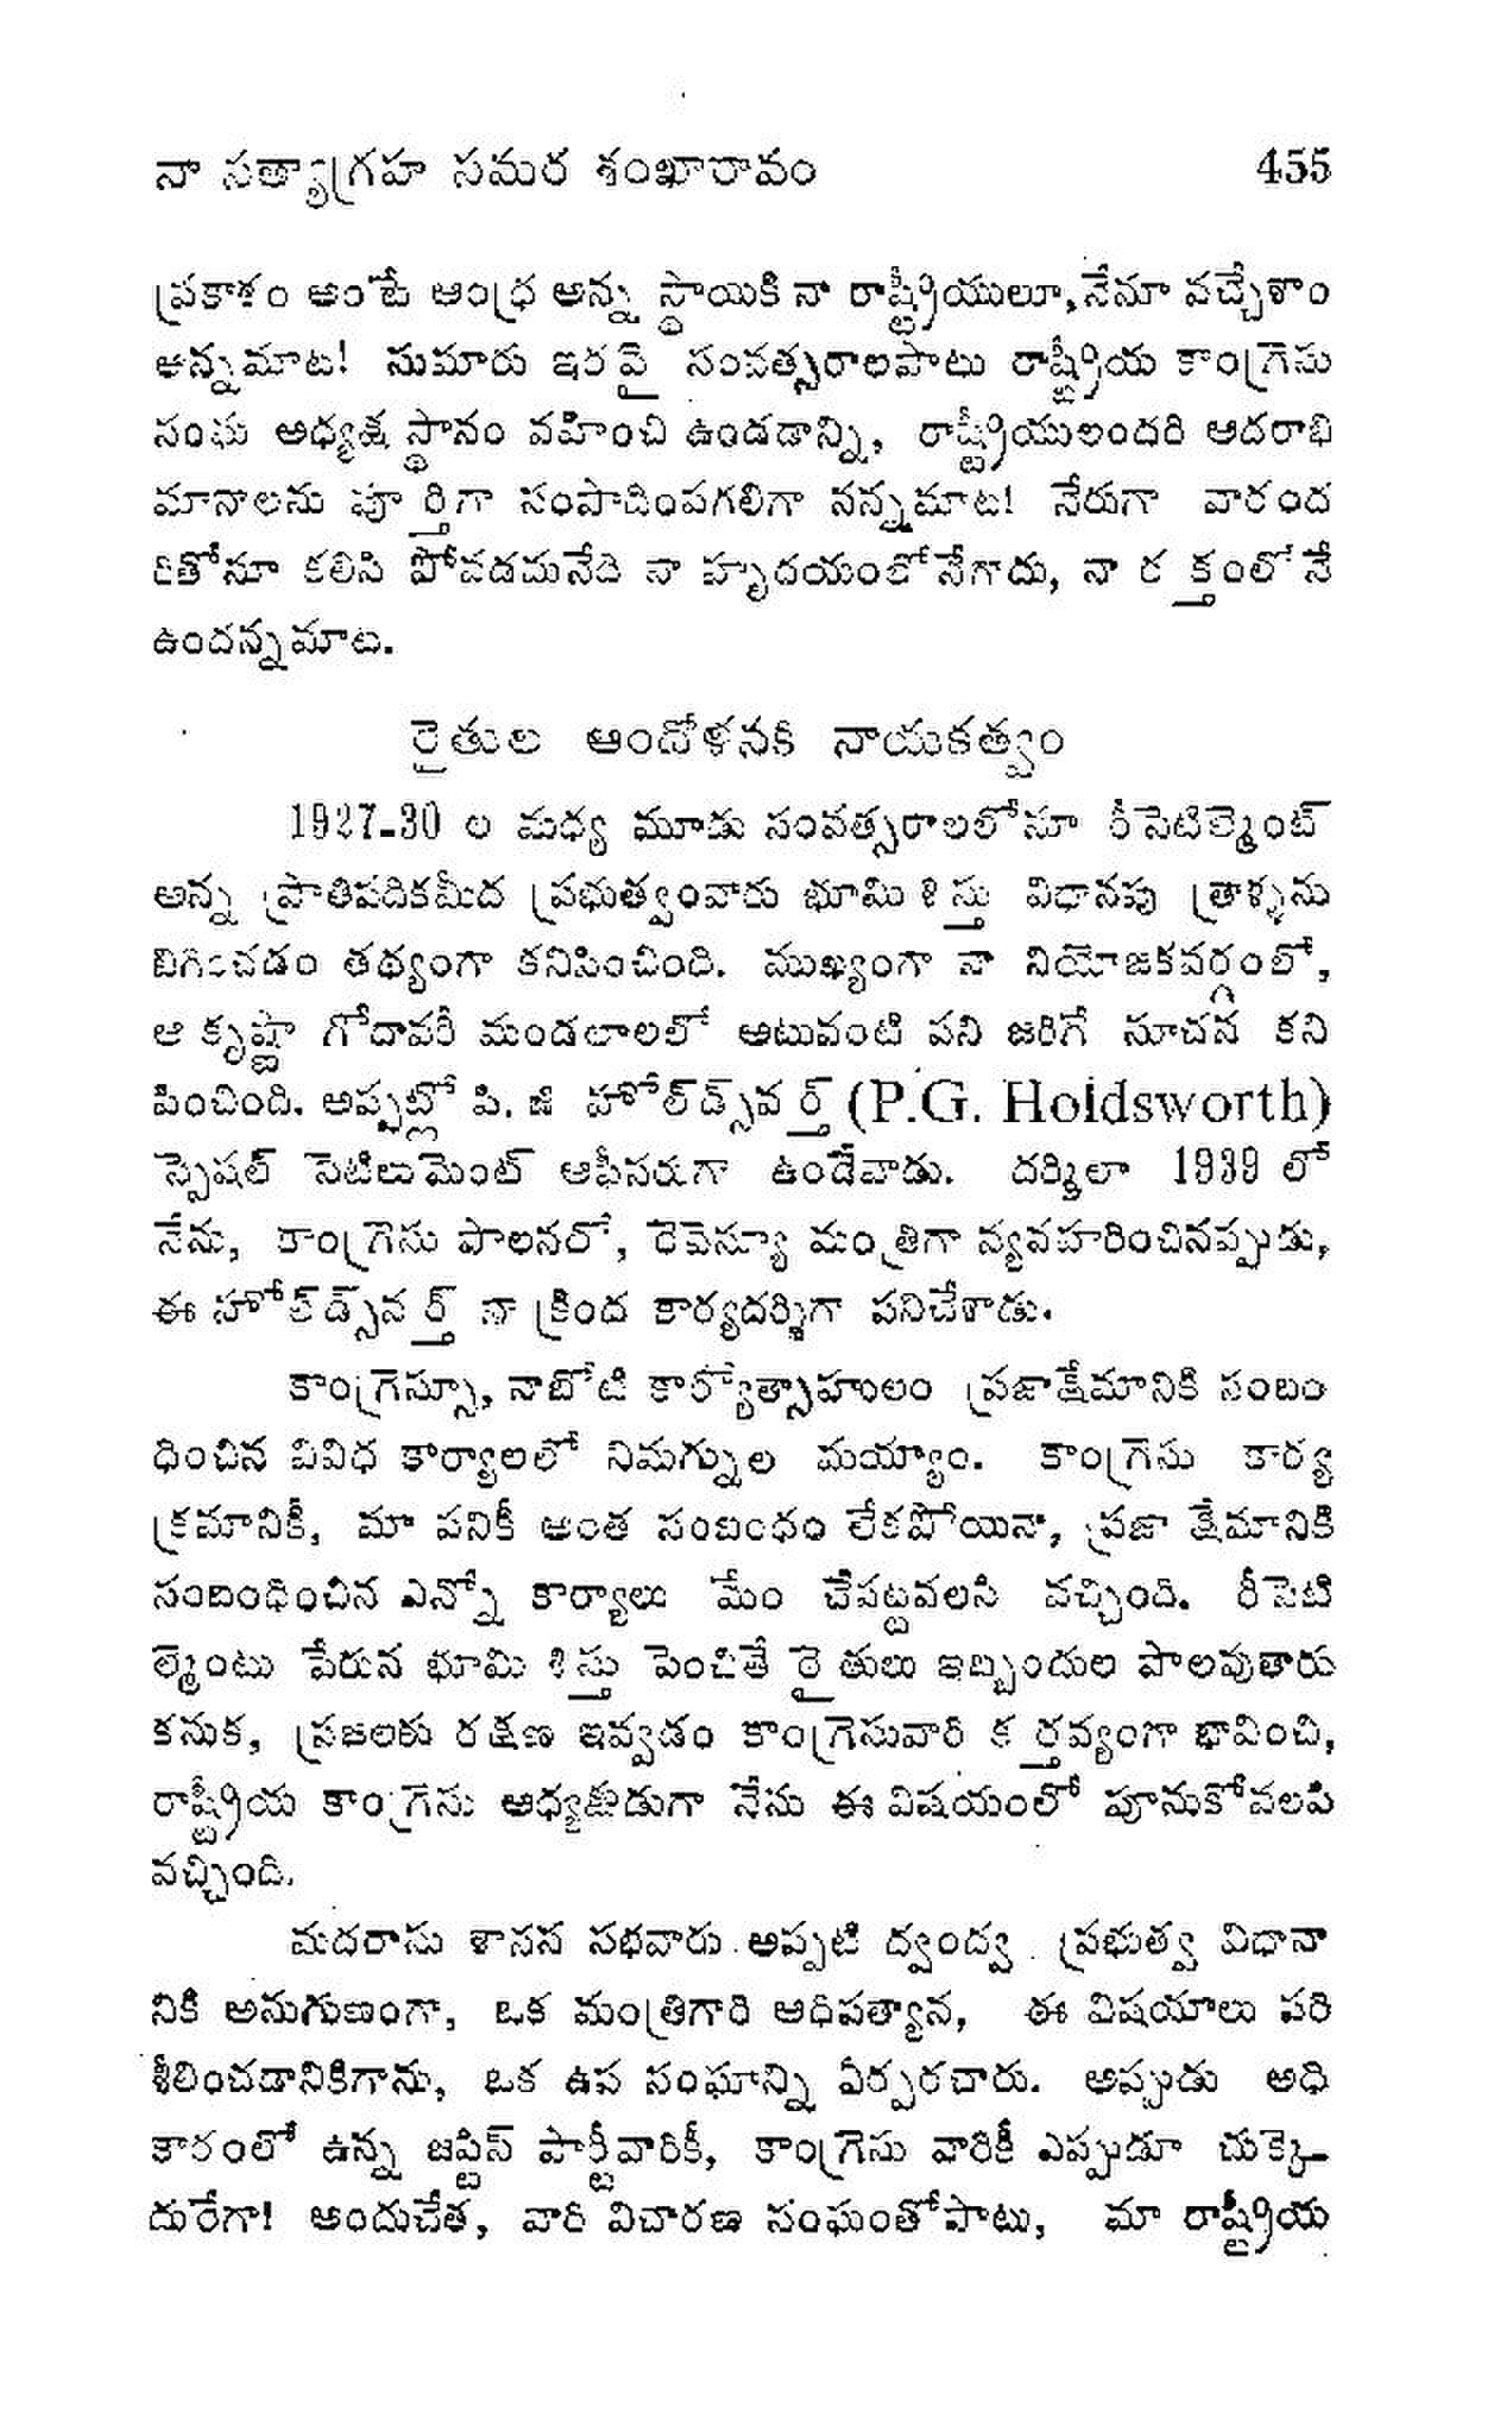ప్రకాశం అంటే ఆంధ్ర అన్న స్థాయికి నా రాష్ట్రీయులూ, నేనూ వచ్చేశాం అన్నమాట! సుమారు ఇరవై సంవత్సరాలపాటు రాష్ట్రీయ కాంగ్రెసు సంఘ అధ్యక్ష స్థానం వహించి ఉండడాన్ని, రాష్ట్రీయలందరి ఆదరాభిమానాలను పూర్తిగా సంపాదింపగలిగా నన్నమాట! నేరుగా వారందరితోనూ కలిసి పోవడమనేది నా హృదయంలోనేగాదు, నా రక్తంలోనే ఉందన్నమాట.

1927 - 30 ల మధ్య మూడు సంవత్సరాలలోనూ రీ సెటిల్మెంట్ అన్న ప్రాతిపదికమీద ప్రభుత్వంవారు భూమి శిస్తు విధానపు త్రాళ్ళను బిగించడం తథ్యంగా కనిపించింది. ముఖ్యంగా నా నియోజకవర్గంలో, ఆ కృష్ణా గోదావరీ మండలాలలో అటువంటి పని జరిగే సూచన కనిపించింది. అప్పట్లో పి. జి. హోల్‌డ్స్‌వర్త్ (P. G. Holdsworth) స్పెషల్ సెటిలుమెంట్ ఆఫీసరుగా ఉండేవాడు. దర్మిలా 1939 లో నేను, కాంగ్రెసు పాలనలో, రెవెన్యూ మంత్రిగా వ్యవహరించినప్పుడు, ఈ హోల్‌డ్స్‌వర్త్ నా క్రింద కార్యదర్శిగా పనిచేశాడు.

కాంగ్రెస్సూ, నాబోటి కార్యోత్సాహులం ప్రజాక్షేమానికి సంబంధించిన వివిధ కార్యాలలో నిమగ్నుల మయ్యాం. కాంగ్రెసు కార్యక్రమానికీ, మా పనికీ అంత సంబంధం లేకపోయినా, ప్రజా క్షేమానికి సంబంధించిన ఎన్నో కార్యాలు మేం చేపట్టవలసి వచ్చింది. రీసెటిల్మెంటు పేరున భూమి శిస్తు పెంచితే రైతులు ఇబ్బందుల పాలవుతారు కనుక, ప్రజలకు రక్షణ ఇవ్వడం కాంగ్రెసువారి కర్తవ్యంగా భావించి, రాష్ట్రీయ కాంగ్రెసు అధ్యక్షుడుగా నేను ఈ విషయంలో పూనుకోవలసి వచ్చింది.

మదరాసు శాసన సభవారు అప్పటి ద్వంద్వ ప్రభుత్వ విధానానికి అనుగుణంగా, ఒక మంత్రిగారి ఆధిపత్యాన, ఈ విషయాలు పరిశీలించడానికిగాను, ఒక ఉప సంఘాన్ని ఏర్పరచారు. అప్పుడు అధికారంలో ఉన్న జస్టిస్ పార్టీవారికీ, కాంగ్రెసు వారికీ ఎప్పుడూ చుక్కెదురేగా! అందుచేత, వారి విచారణ సంఘంతోపాటు, మా రాష్ట్రీయ